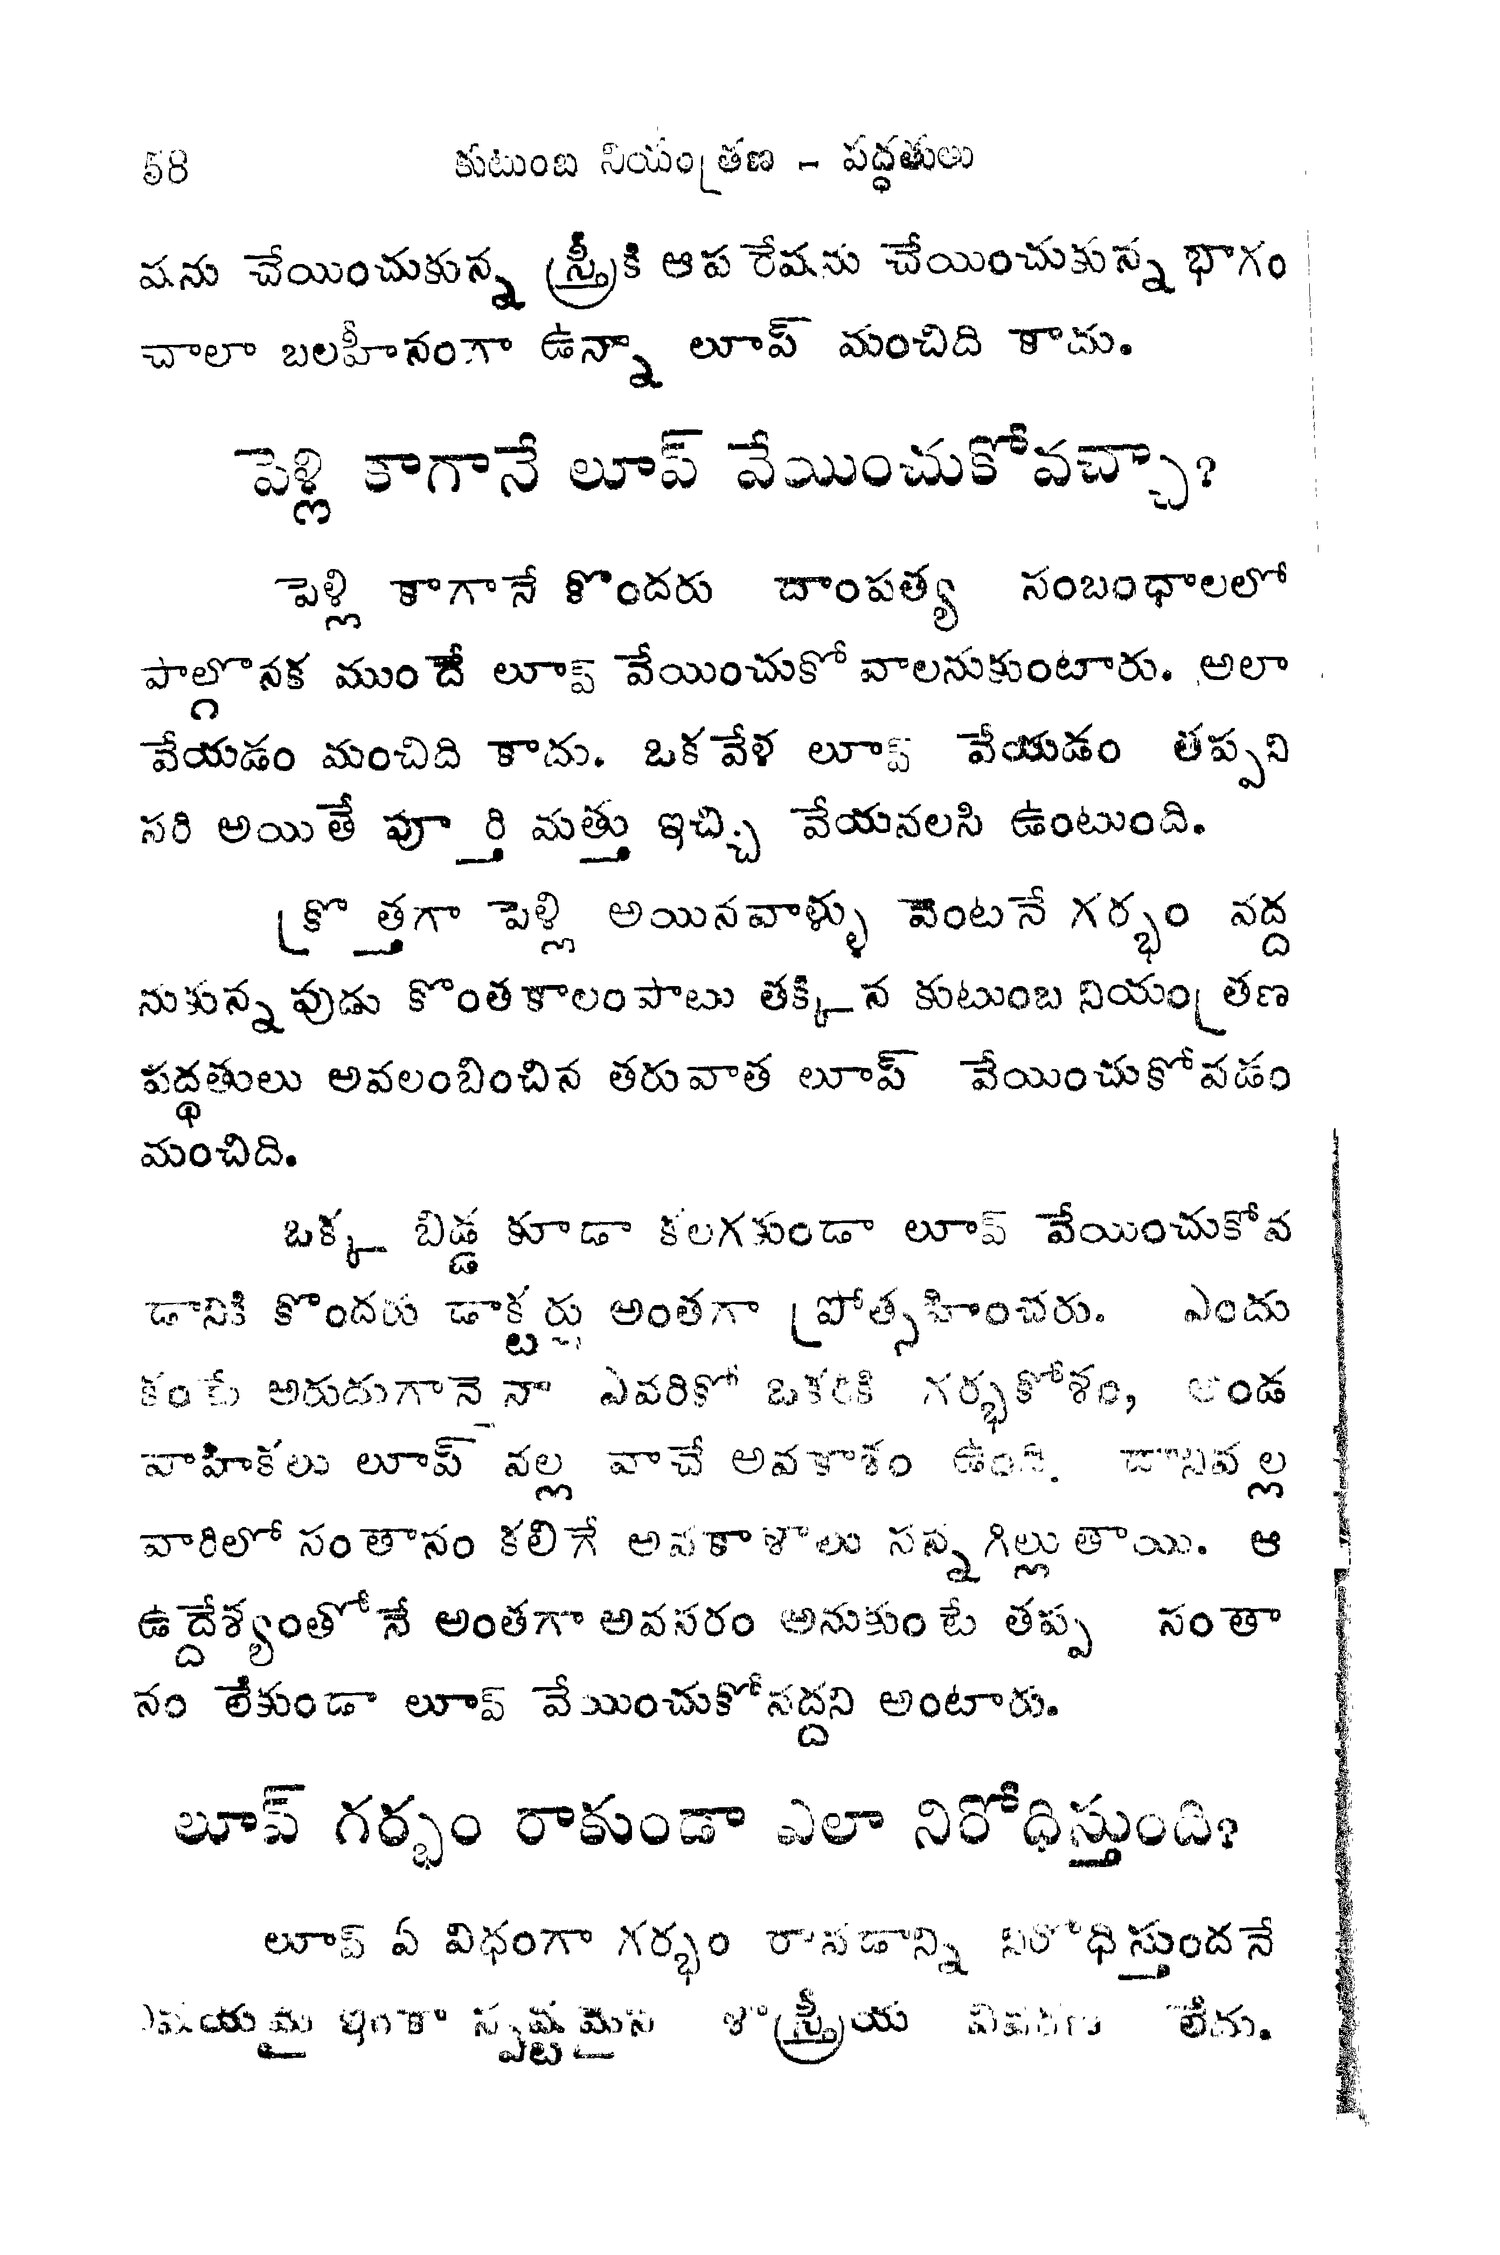షను చేయించుకున్న స్త్రీకి ఆపరేషను చేయించుకున్న భాగం చాలా బలహీనంగా ఉన్నా లూప్ మంచిది కాదు.

పెళ్లి కాగానే కొందరు దాంపత్య సంబందాలలో పాల్గొనక ముందే లూప్ వేయించుకోవాలనుకుంటారు. అలా వేయడం మంచిది కాదు. ఒకవేళ లూప్ వేయడం తప్పని సరి అయితే పూర్తి మత్తు ఇచ్చి వేయవలసి ఉంటుంది. 

క్రొత్తగా పెళ్లి అయినవాళ్ళు వెంటనే గర్భం వద్దనుకున్నపుడు కొంతకాలంపాటు తక్కిన కుటుంబ నియంత్రణ పద్దతులు అవలంబించిన తరువత లూప్ వేయించుకోవడం మంచిది.

ఒక్క బిడ్డ కూడా కలుగకుండా లూప్ వేయించుకోవడానికి కొందరు డాక్టర్లు అంతగా ప్రోత్సహించరు. ఎందుకంటే అరుదుగానైనా ఎవరికో ఒకరికి గర్భకోశం, అందవాహికలు లూప్ వల్ల వాచే అవకాశం ఉంది. దానివల్ల వారిలో సంతానం కలిగే అవకాశాలు సన్నగిల్లుతాయి. ఆ ఉద్దేశ్యంతోనే అంతగా అవసరం అనుకుంటే తప్ప సంతానం లేకుండా లూప్ వేయించుకోవద్దని అంటారు.

లూప్ ఏ విధంగా గర్భం రావడాన్ని నిరోధిస్తుందనే విషయమై ఇంకా స్పష్టమైన శాస్త్రీయ వివరణ లేదు.